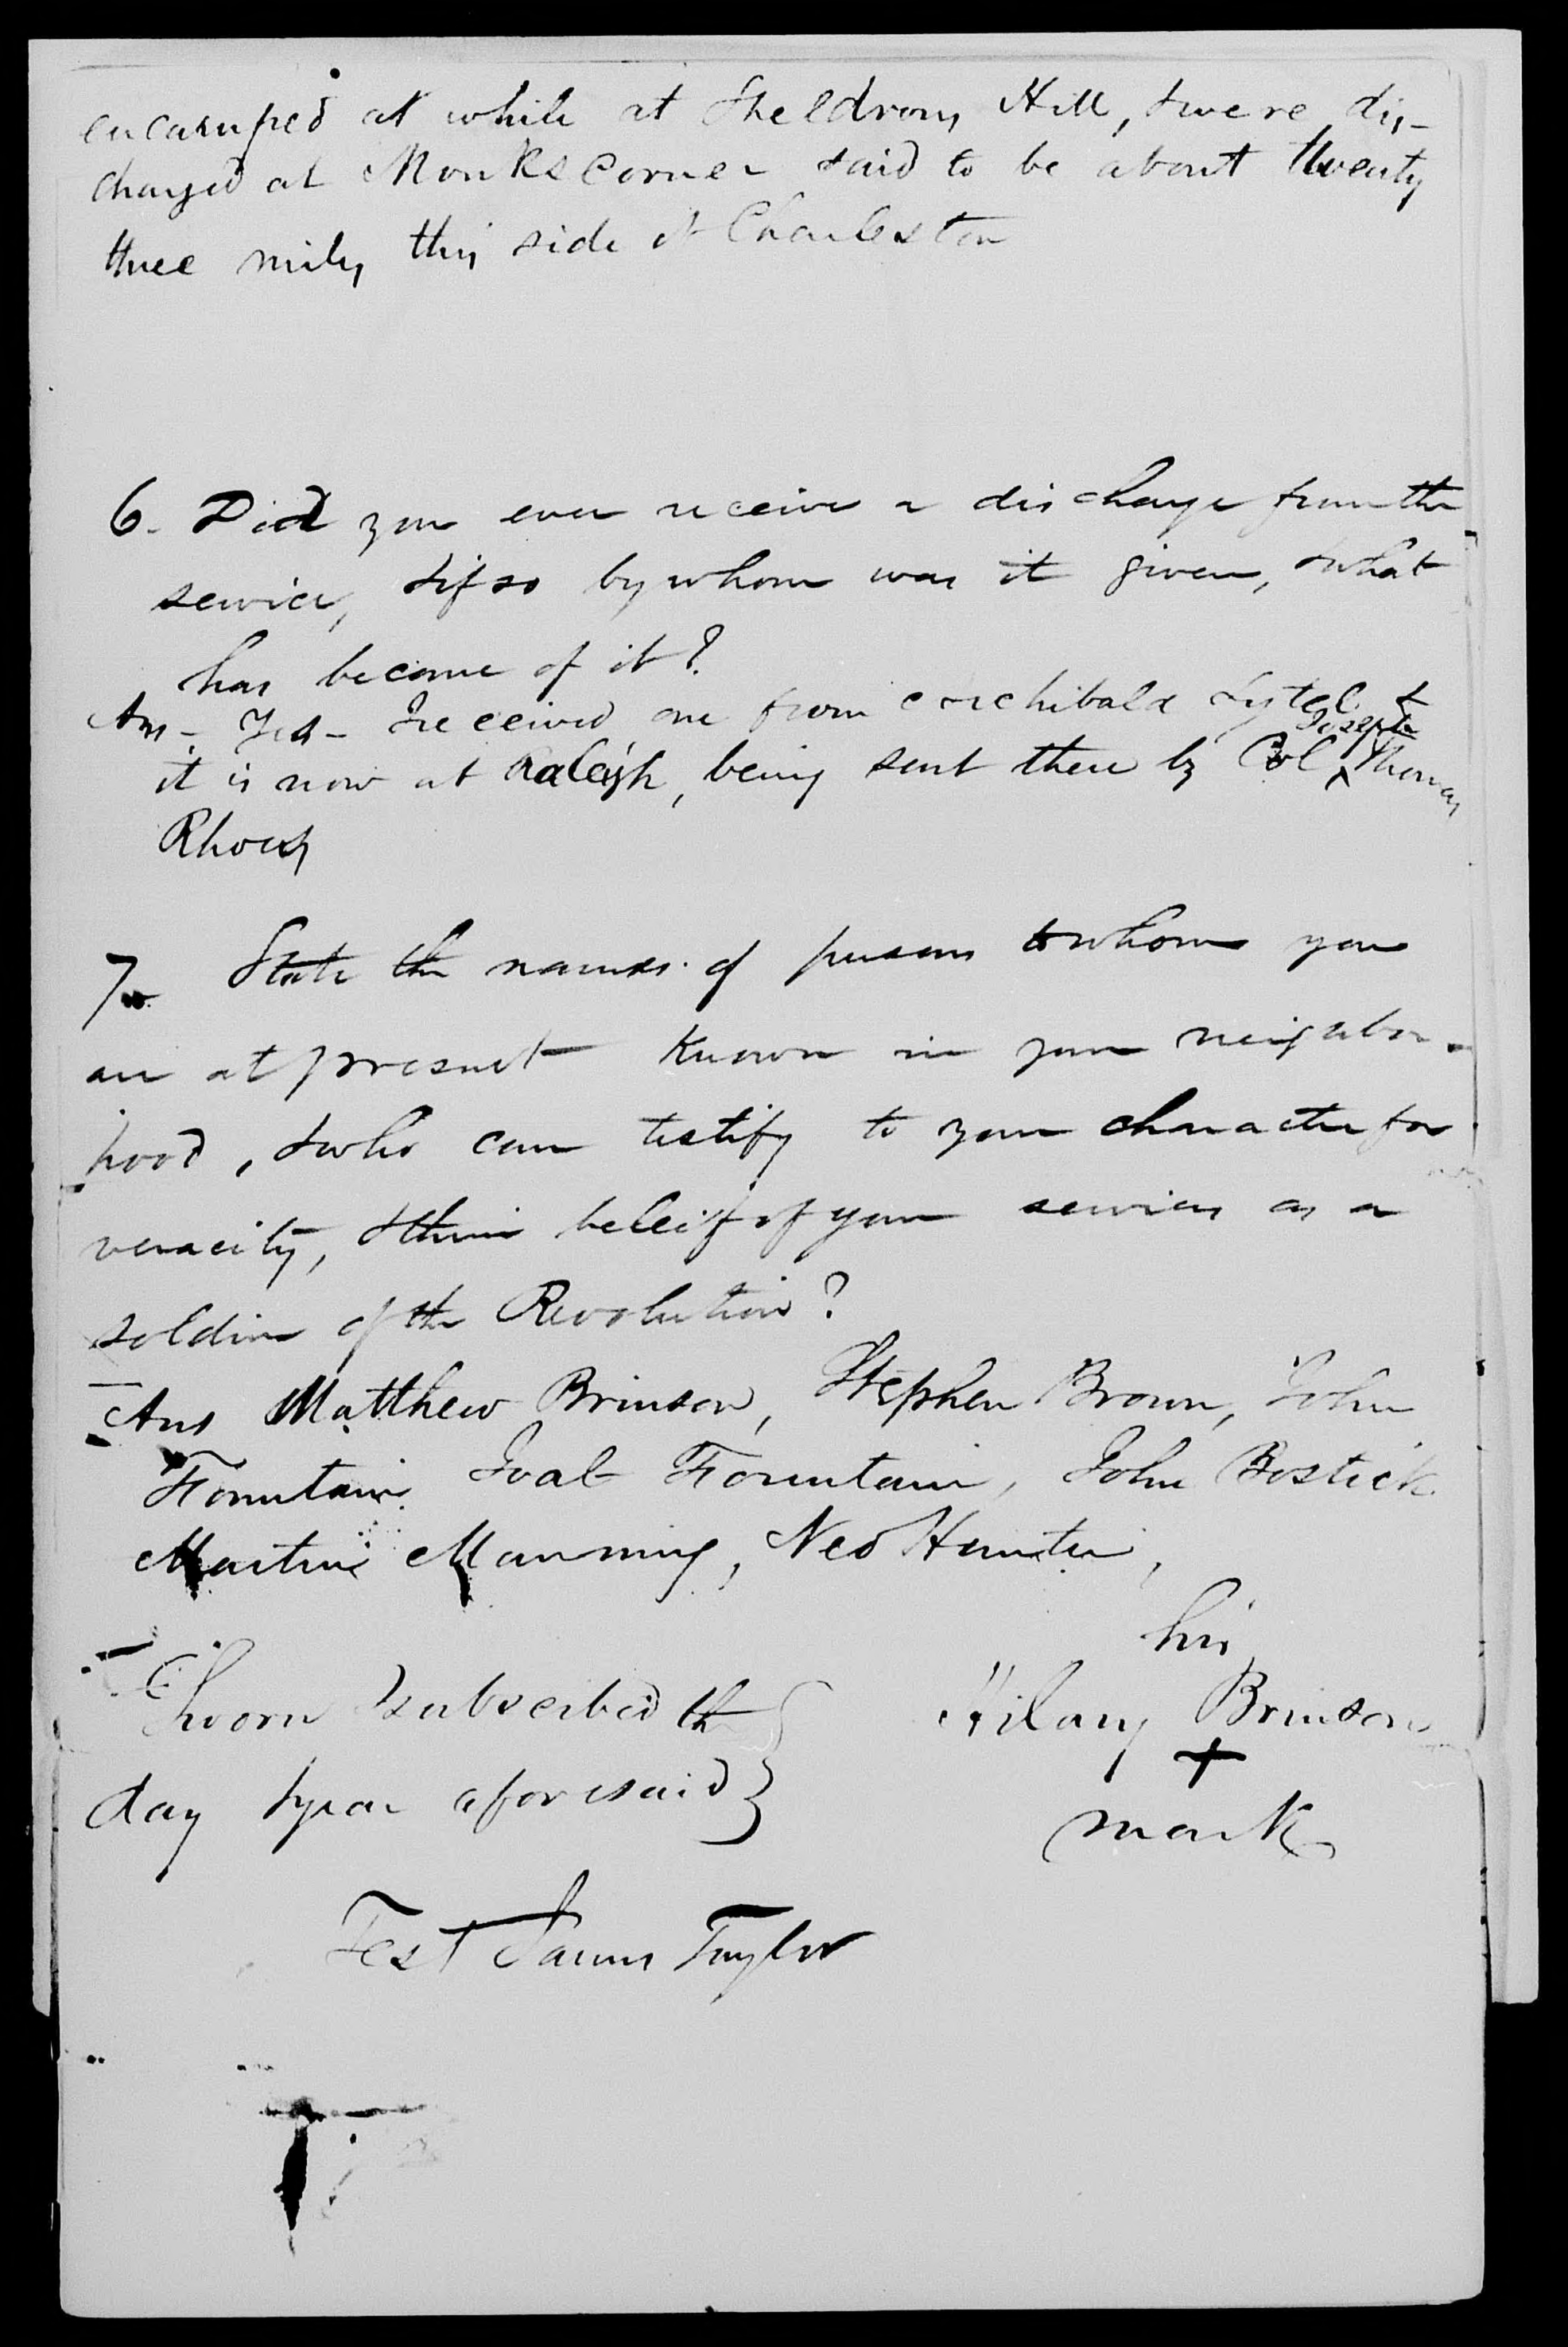6. Did you ever receive a discharge from the service, and if so by whom was it given, what has become of it?
Ans. yes, I received one from Col Archibald Lytel and it is now at Raleigh, being sent there by Col Joseph Thomas [illegible]
7. State the names of persons to whom you are at present known in your neighborhood, and who can testify to your character for veracity, and their belief of your services as a solider of the Revolution?
Ans. Matthew Brinson, Stephen Brown, John Fountain, Joab Fountain, John Bostick, Martin Manning, Ned Hunter
Hilary Brinson (his mark)
Sworn and subscribed the day and year aforesaid. Test. James Taylor.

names: John Bostick, Stephen Brown, Joseph Thomas, James Taylor, John Fountain, Joab Fountain, Matthew Brinson, Hilary Brinson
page: 10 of 38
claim: widow's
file: W. 5231, Hilary Brinson, N.C.